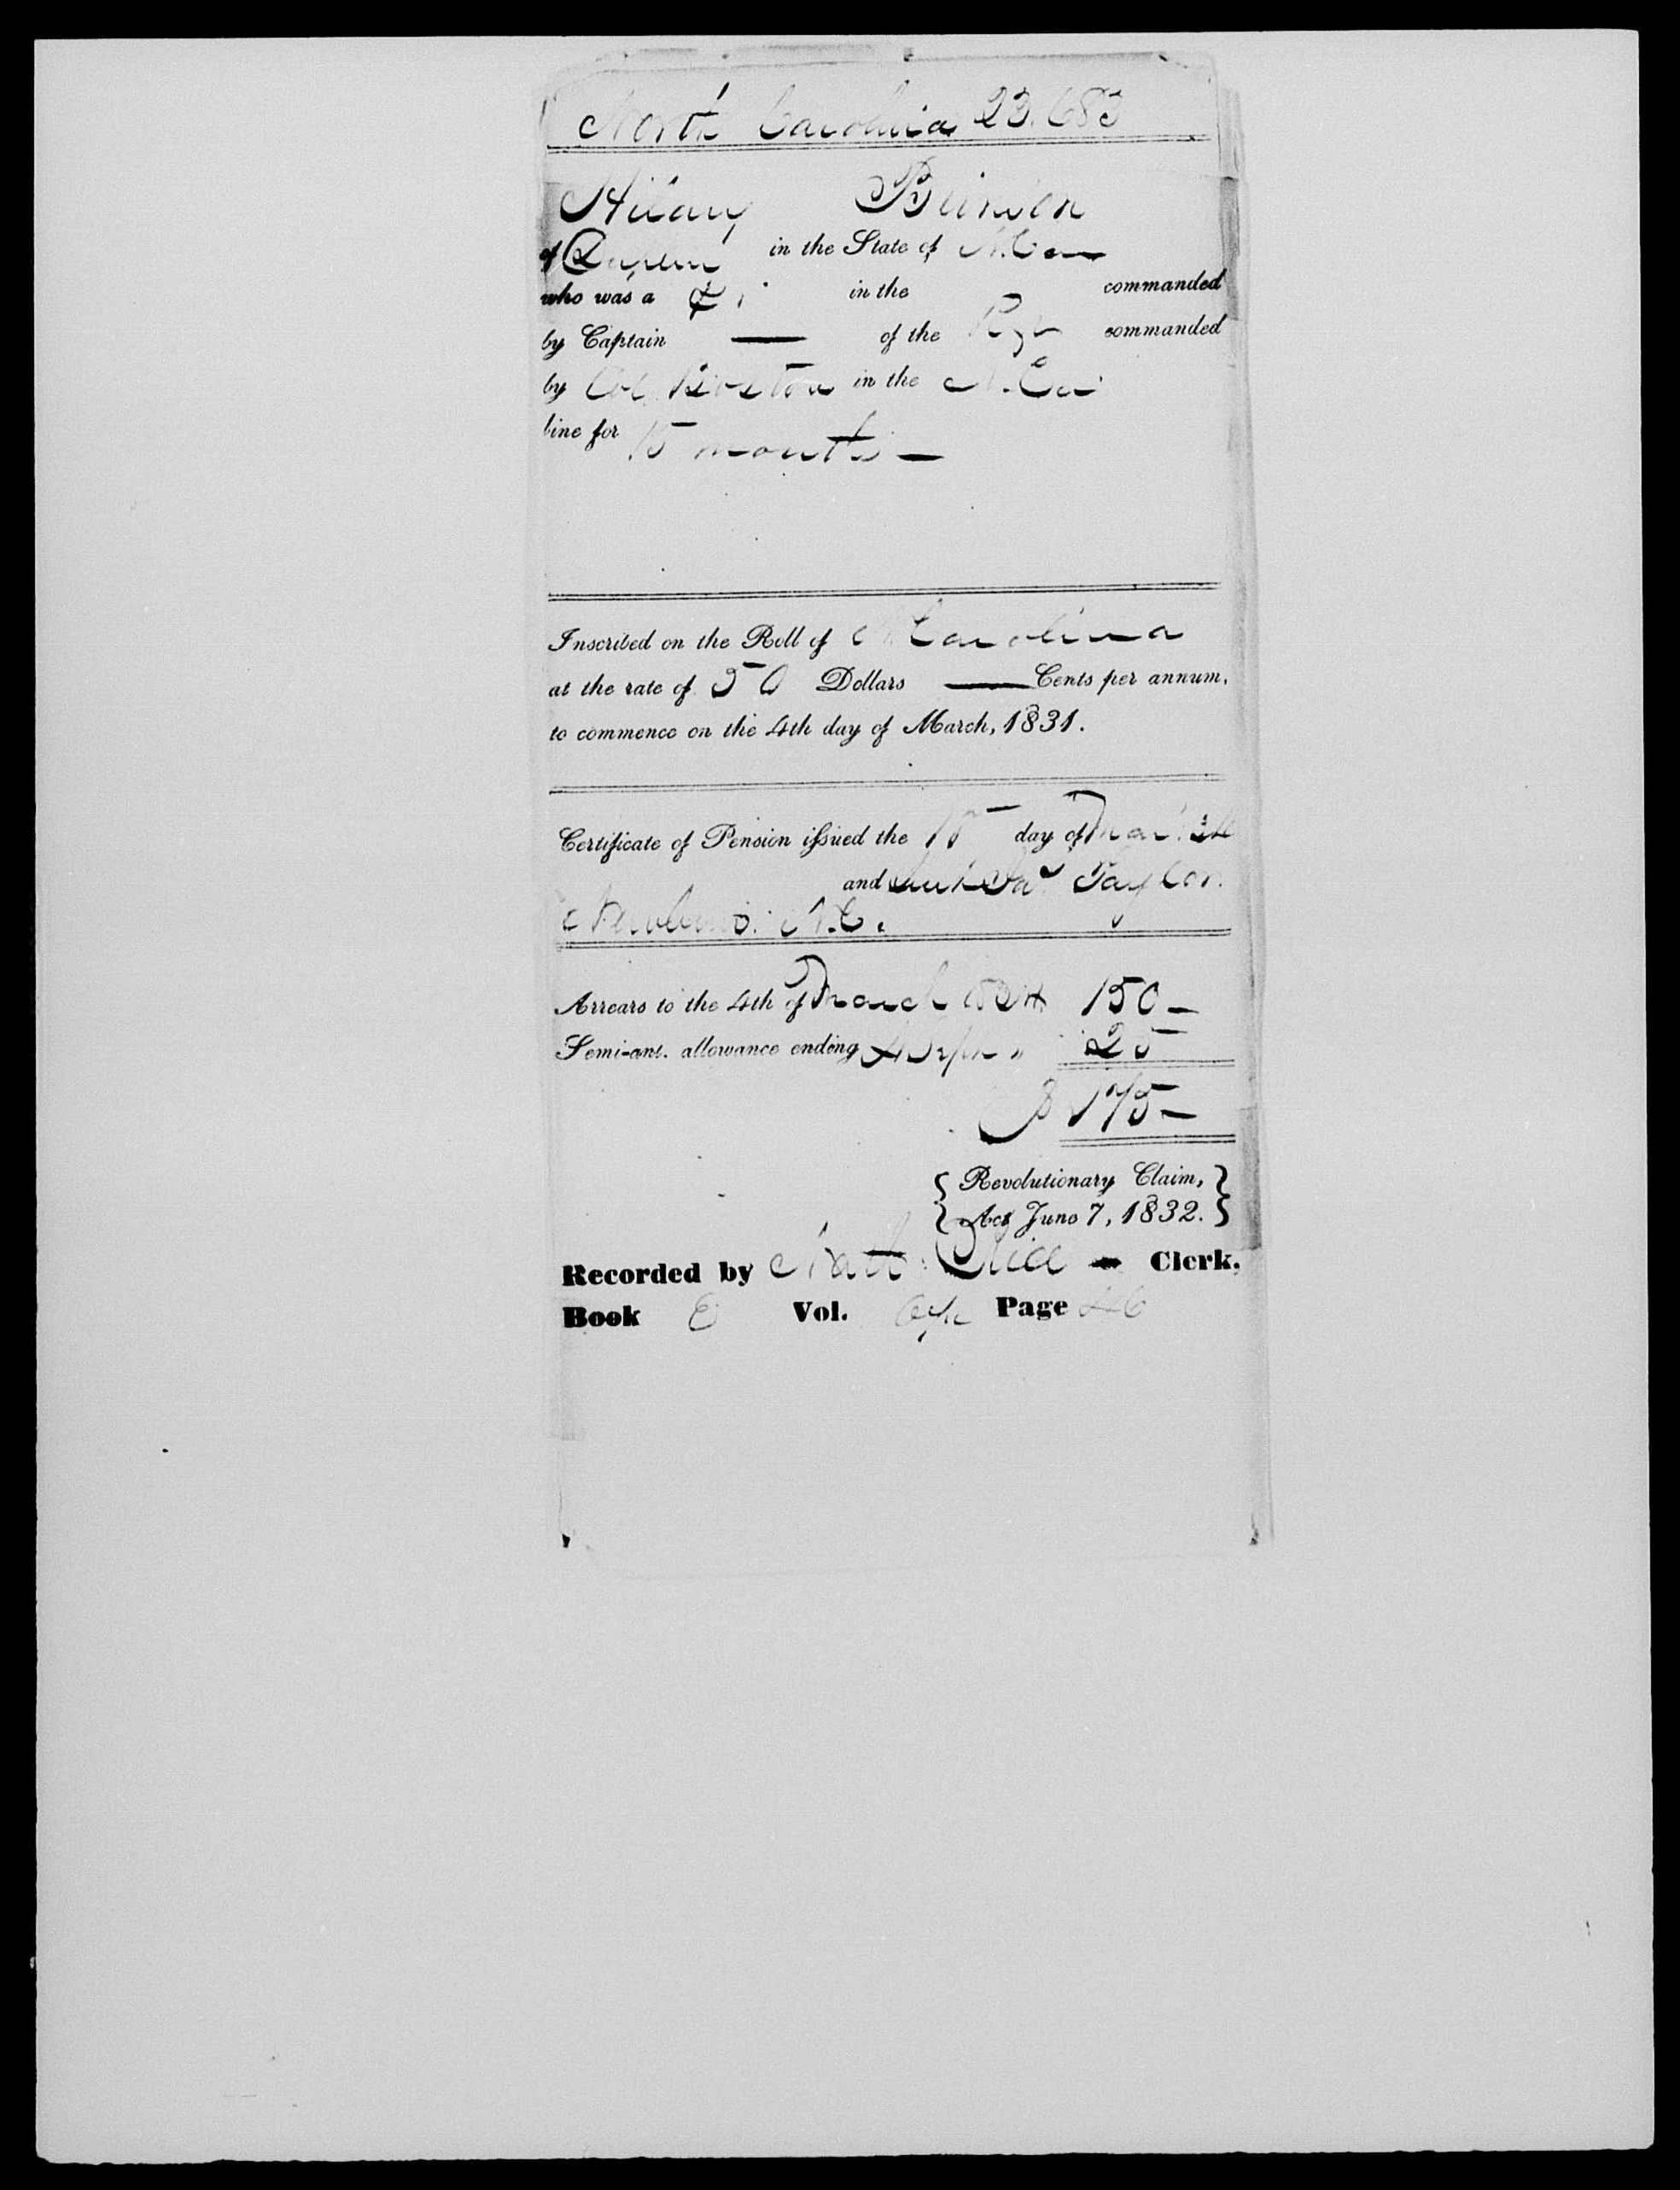North Carolina 23,683
Hilary Brinson
of Durham in the State of N. Caro.
who was a Pri in the ....commanded
by Captain - of the Rgt commanded
by Col. Boston in the N Car.
line for 15 months

Inscribed on the Roll of N. Carolina
at the rate of 50 Dollars - Cents per annum, 
to commence on the 4th day of March, 1831.

Certificate of Pension issued the 18- day of Mar 34
and sent to Fay Cor
[illegible]

Arrears to the 4th of March 1834          150-
Semi-anl allowance ending 4 Sept 1834 20-
                                         _________________
                                                                  $175 -

{Revolutionary Claim, Act June 7, 1832}
Recorded by Nath Rice Clerk,
Book E  Vol [illegible]  Page 46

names: Jas Taylor, Nath Rice, Hilary Brinson, Boston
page: 2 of 38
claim: widow's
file: W. 5231, Hilary Brinson, N.C.